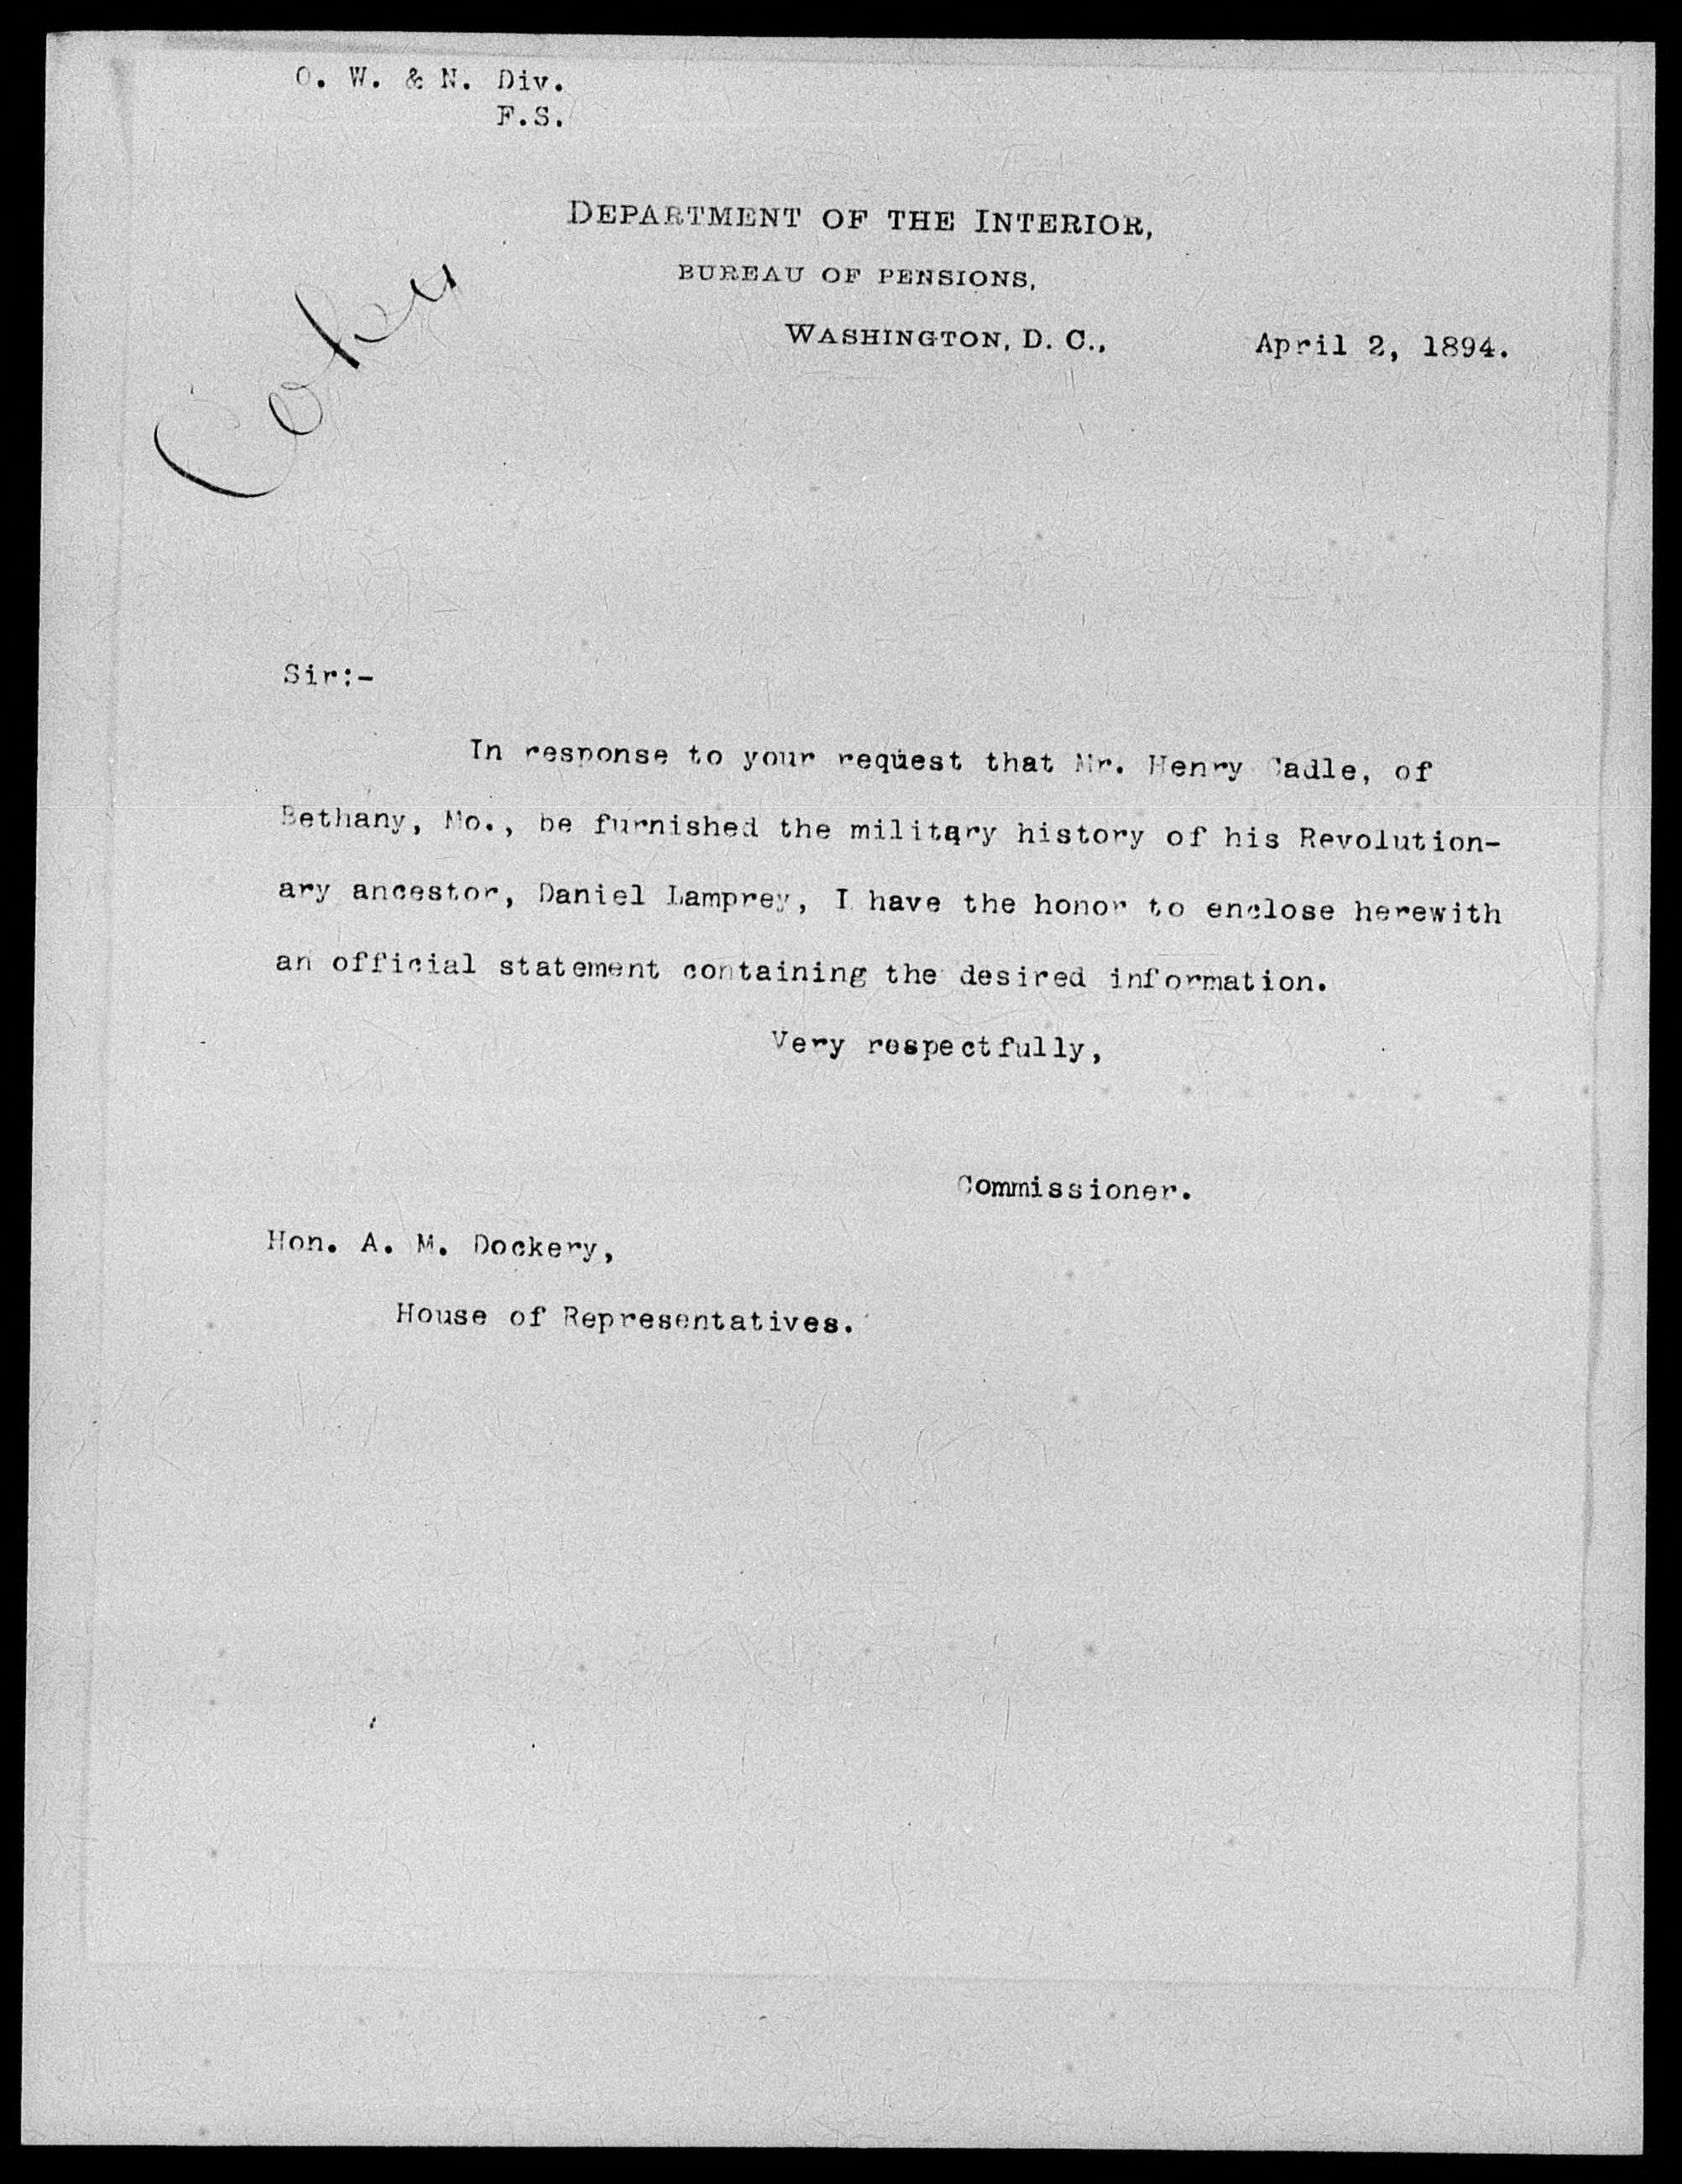O. W. & N. Div. F.S.
DEPARTMENT OF THE INTERIOR,
BUREAU OF PENSIONS, 
WASHINGTON, D.C. April 2, 1894.

Sir:-
In response to your request that Mr. Henry Cadle, of Bethany, Mo., be furnished the military history of his Revolutionary ancestor, Daniel Lamprey, I have the honor to enclose herewith an official statement containing the desired information.
Very respectfully,

Commissioner.

Hon. A. M. Dockery
House of Representatives.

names: A M Dockery; Henry Cadle; Daniel Lamprey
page: 39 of 53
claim: widow's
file: W. 492, for Daniel Lamprey, New Hampshire